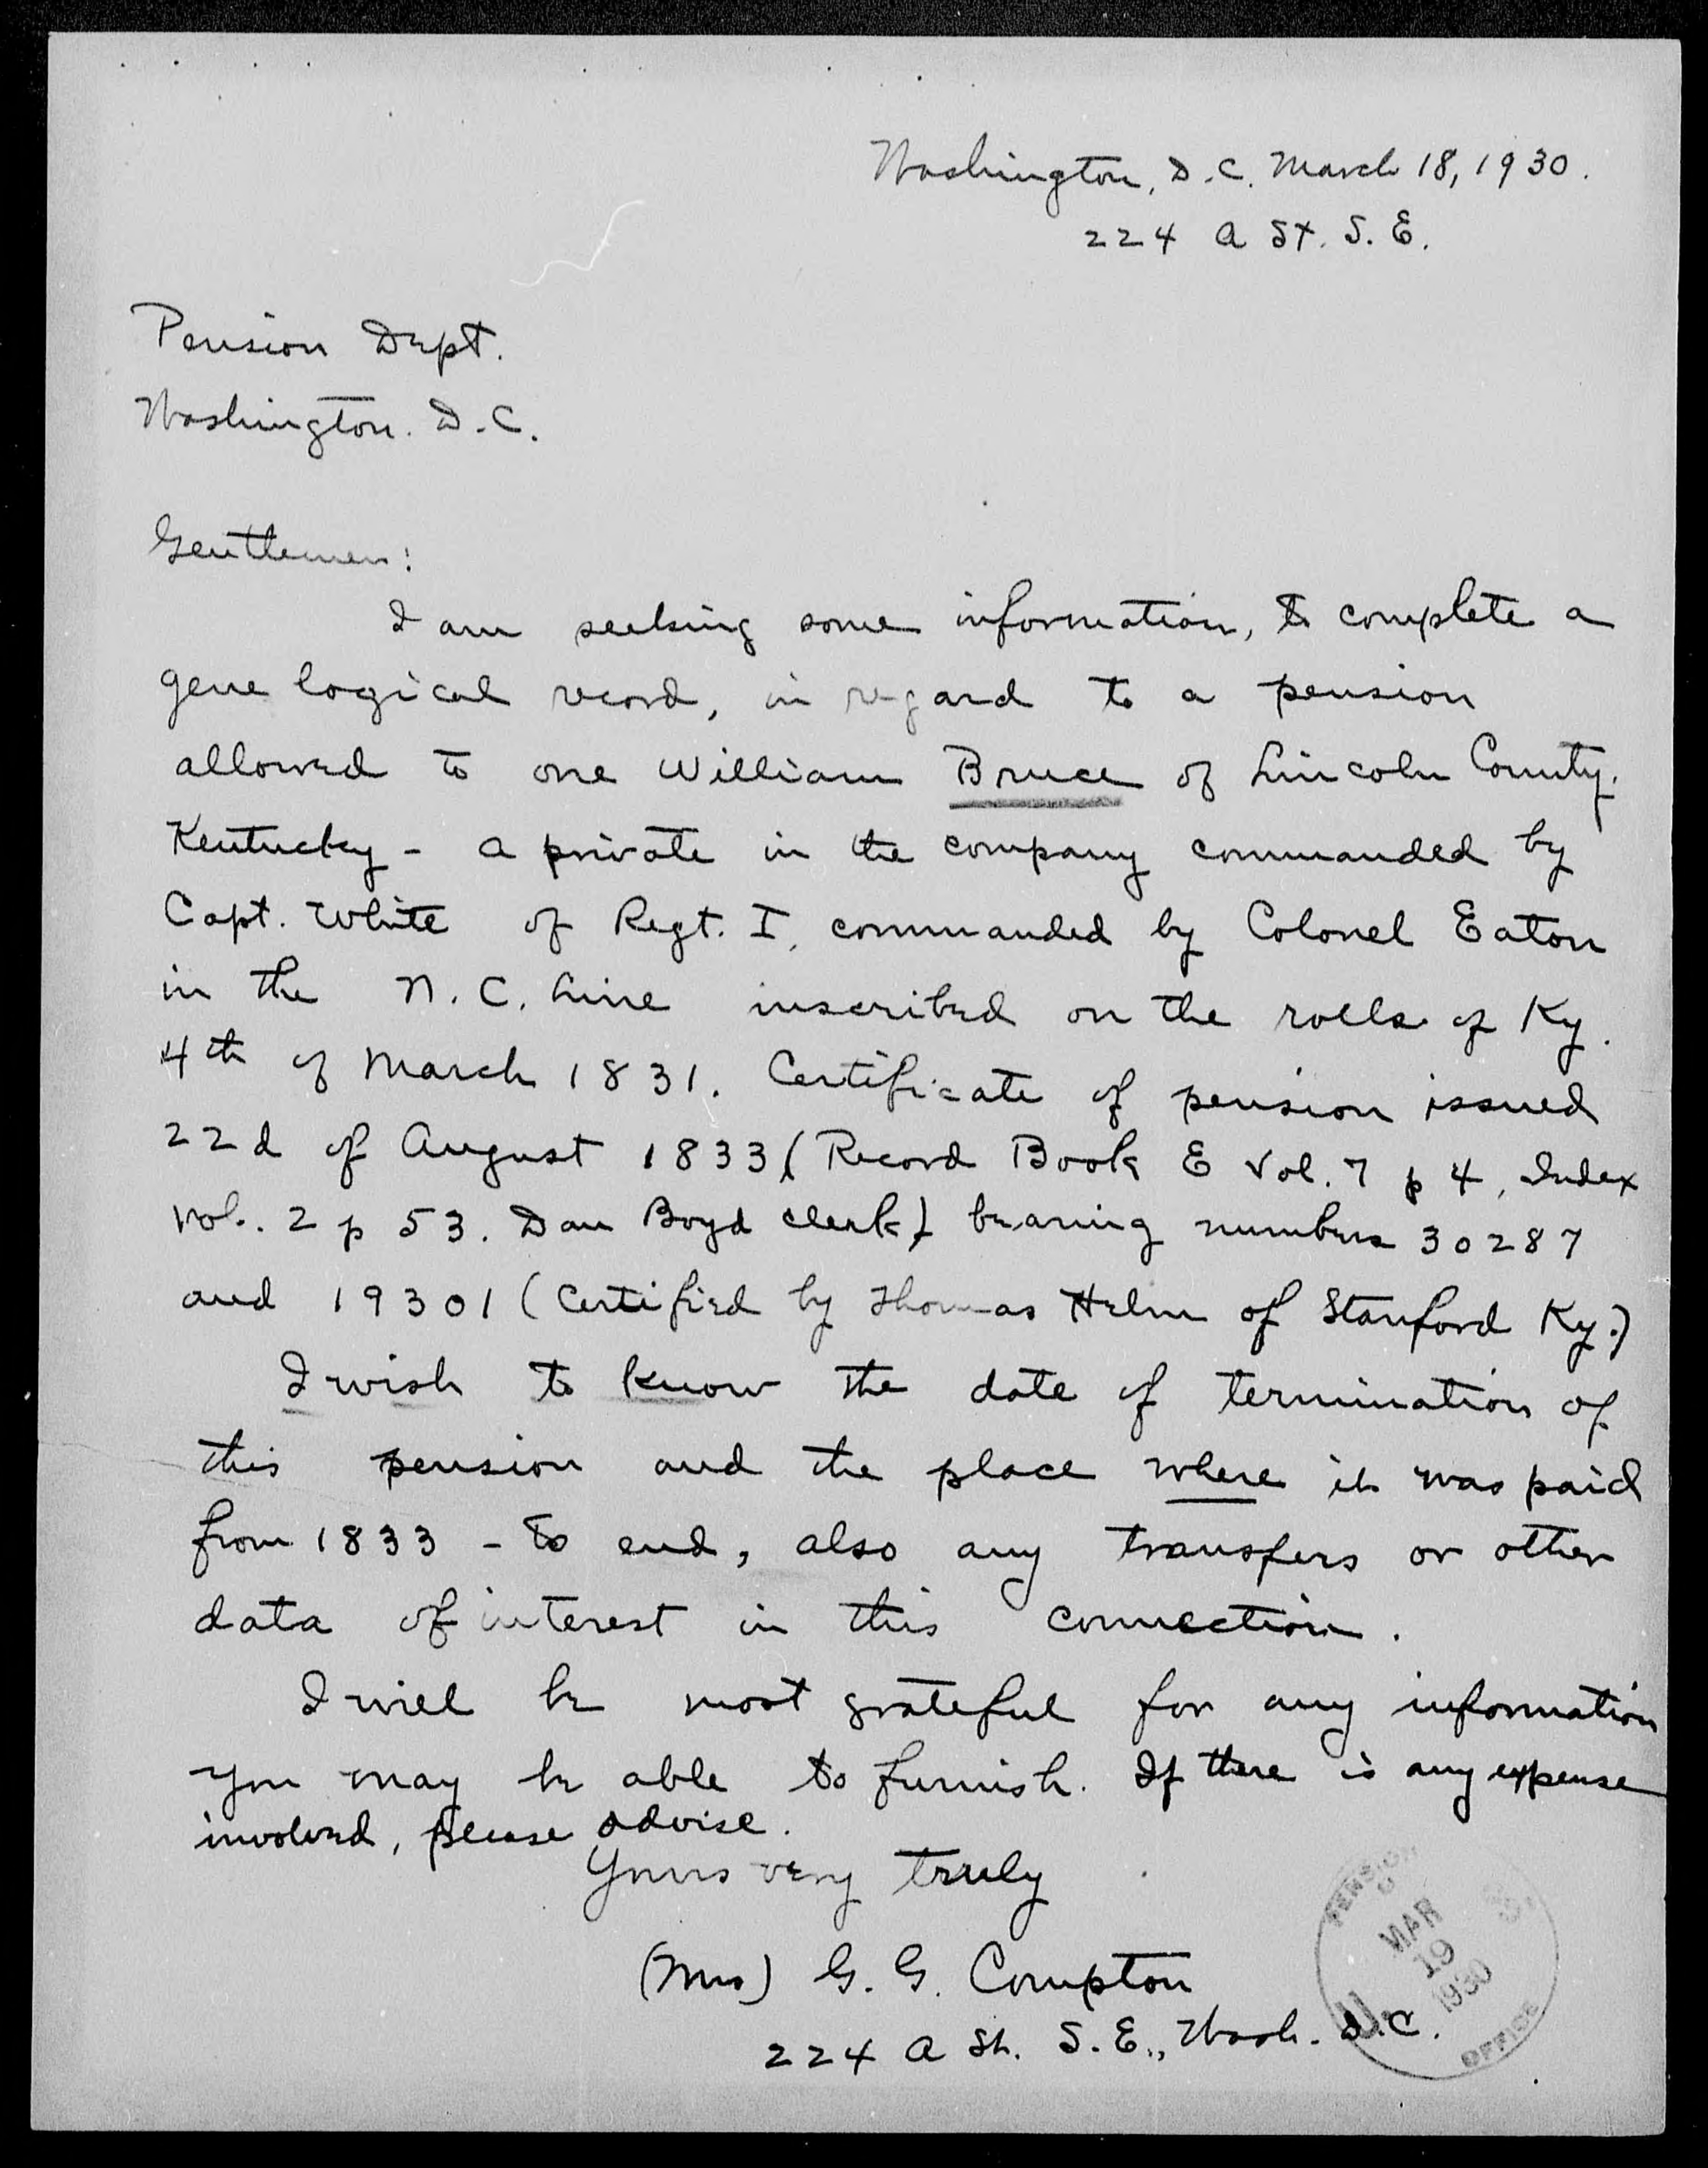Washington, D.C. March 18, 1930
224 A St. S. E.

Pension Dept. 
Washington, D. C. 

Gentlemen:
I am seeking some information, to complete a genealogical record, in regard to a pension allowed to one William Bruce of Lincoln County. Kentucky - a private in the company commanded by Capt. White of Regt. I commanded by Colonel Eaton in the N.C. Line inscribed on the rolls of Ky. 4th of March 1831. Certificate of pension issued 22d [22nd] of August 1833 (Record Book E Vol. 7 & 4, Index Vol. 2 p 53, Dan Boyd Clerk) bearing numbers 30287 and 19301 (Certified by Thomas Helm of Stanford Ky.) 

I wish to know the date of termination of this pension and the place where it was paid from 1833- to end, also any transfers or other data of interest in this connection. 

I will be most grateful for any information you may be able to furnish. If there is any expense involved, please advise. 
Yours very truly 
(Mrs.) G. G. Compton 
224 A St. S. E. Wash. D. C.

[circular stamp upside down] PENSION MAR 19 1930 OFFICE U. S.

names: G G Compton, Eaton, William Bruce, Thomas Helm, Dan Boyd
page: 44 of 54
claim: survivor's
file: S. 30287, William Bruce, N.C.